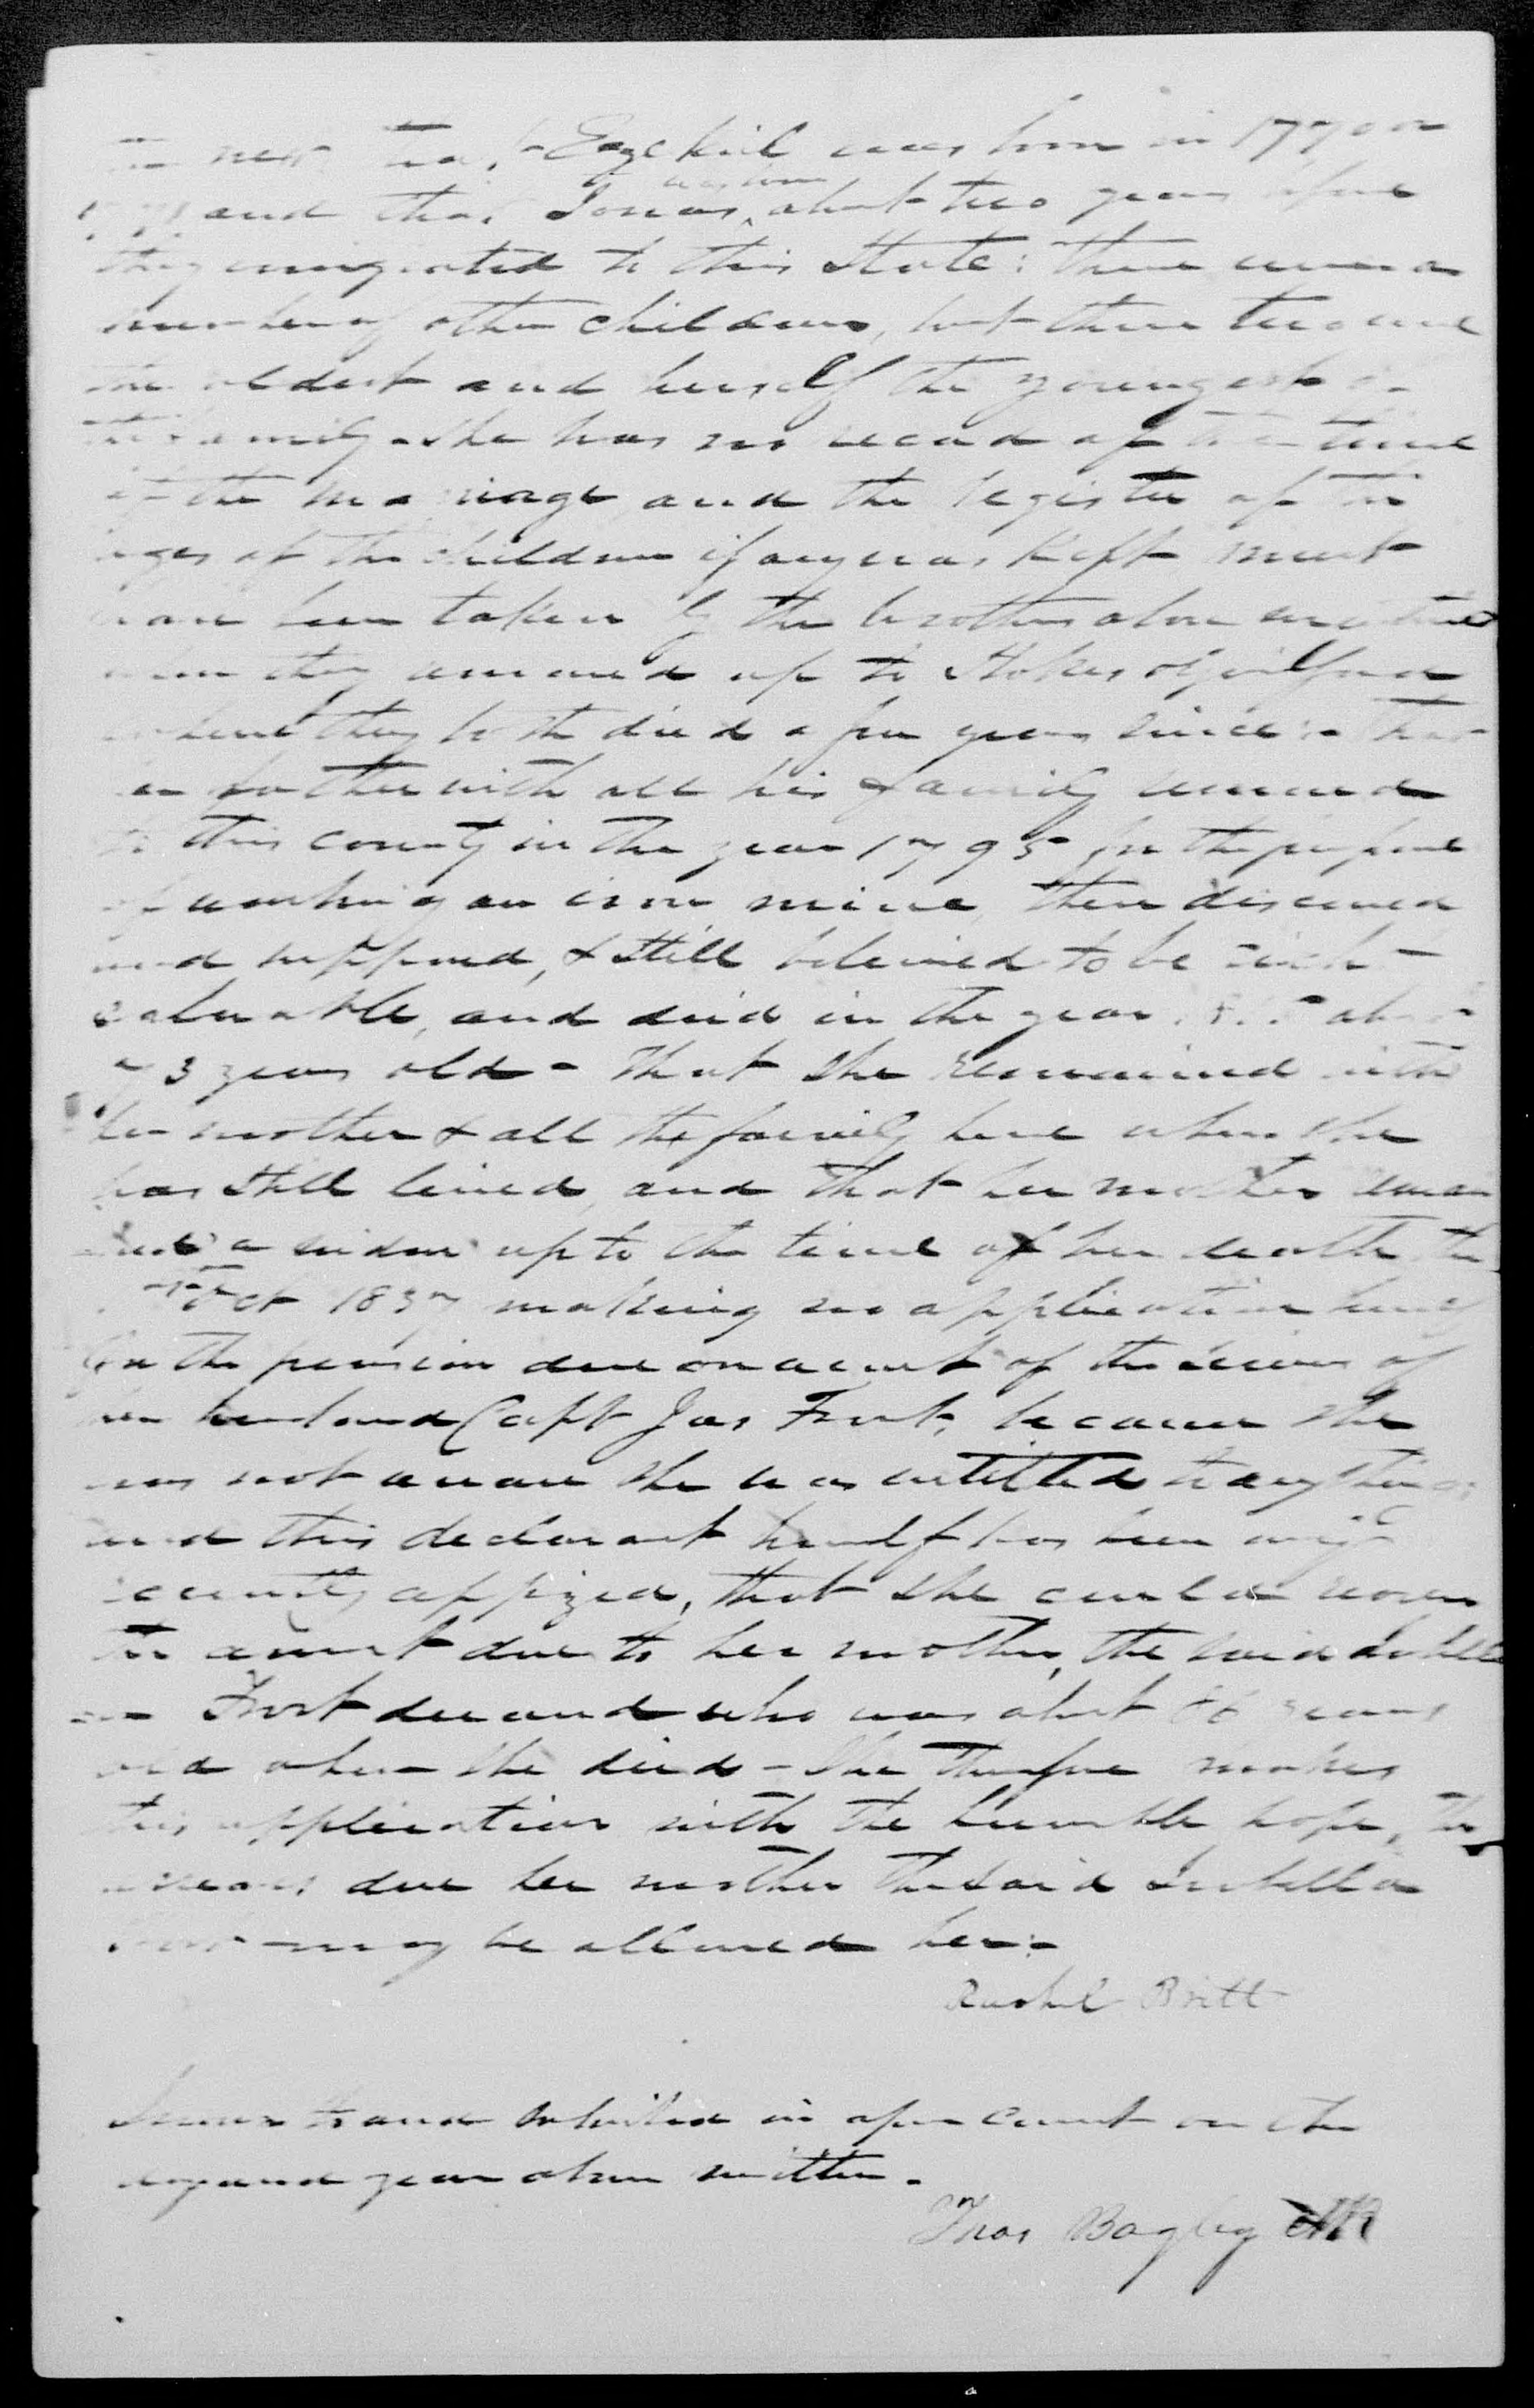[unreadable] that Ezekiel was born in 1770 or 1771 and that Jonas was born about two years before they immigrated to this State;  there were a [unreadable] of other children, but these two were the oldest and herself the youngest of the family – she has no record of the time of the marriage and the Register of the ages of the children if any was kept must have been taken by the brothers above mentioned when they moved up to Hokes Guilford where they died a few years since.  That [unreadable] father with all his family moved to this county in the year 1795 for the purpose of working an iron mine then discovered and [illegible] & still believed to be [illegible] and died in the year 1815 [?] he was about 73 years old.  That she received with her brother and all the family land where she has still lived and that her mother [illegible] a widow up to the time of her death the October 1837 making an application for the pension due on account of the Service of her husband Captain James Frost because she was last aware she be as entitled to anything and this declarant herself has been [unreadable] recently apprized that she could recover the amount due to her mother, the said Isabella Frost deceased who was about 86 years old when she died – she therefore marks this application with the humble hope that monies due her mother the said Isabella Frost may be allowed her.  
Rachel Britt
Sworn and subscribed in open Court on the day and year above written
Thomas Bagley [seal]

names: Isabella Frost, Jonas, Thos Bagley, Rachel Britt, Jos Frost, Ezekiel, Isabella Frost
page: 7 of 15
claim: rejected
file: R. 3815, James Frost, N.C.